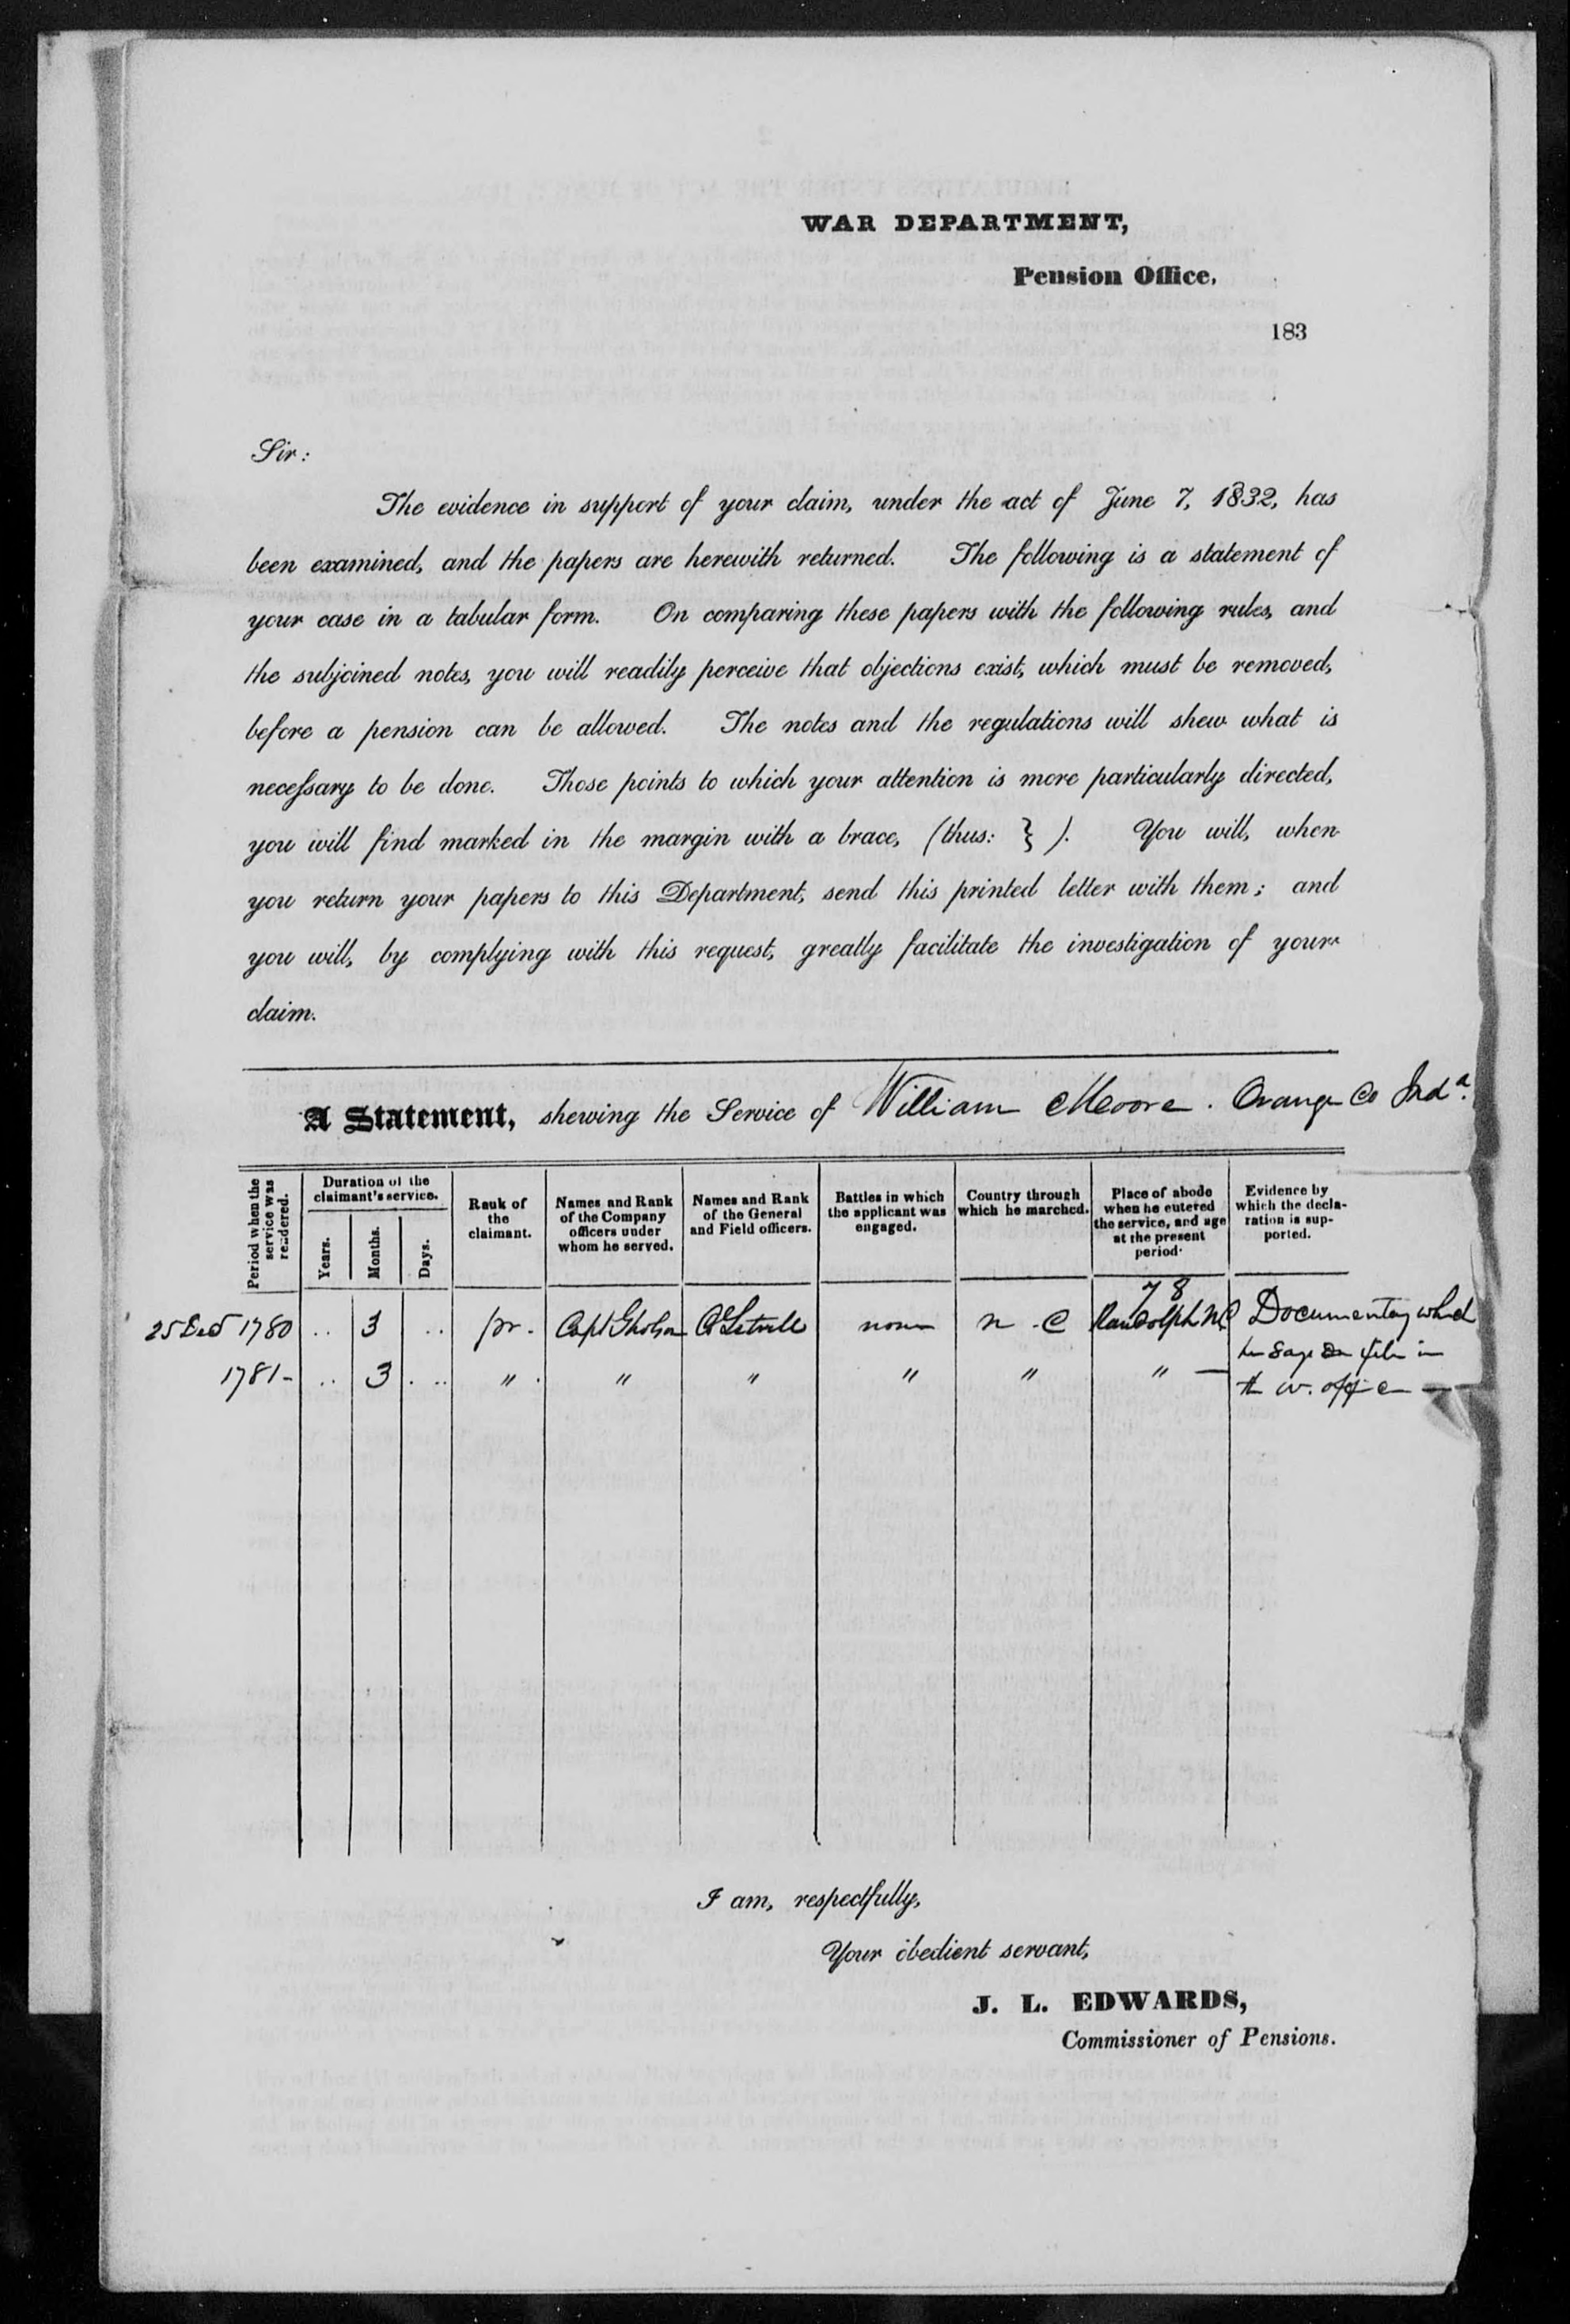WAR DEPARTMENT,
Pension Office.

Sir:
     The evidence in support of your claim, under the act of June 7, 1832, has been examined, and the papers are herewith returned.  The following is a statement of your case in a tabular form.  On comparing these papers with the following rules, and the subjoined notes, you will readily perceive that objections exist, which must be removed, before a pension can be allowed.  The notes and the regulations will shew what is necessary to be done.  Those points to which your attention is more particularly directed, you will find marked in the margin with a brace, (thus:}).  You will, when you return your papers to this Department, send this printed letter with them; and you will, by complying with this request, greatly facilitate the investigation of your claim.
       A Statement shewing the Service of William Moore.  Orange Co. Indiana
Period which the service was rendered.
25 Dec. 1780
1781

Duration of the claimant's service.
Years.  Months.  Days.  
...3...
...3...

Rank of the claimant.
Pri
"
Names and Rank of the Company officers under whom he served.
Capt. Gholson
"

Names and Rank of the General and Field officers.
Co.  Lutrell
"

Battles in which the applicant was engaged.
none
"

Country through which he marched.
N.C.
"

Place of abode when he entered the service, and age at the present period.
78
Randolph N.C.
"

Evidence by which the declaration is supported.
Documentary which he says on file in the w. office.

                    I am, respectfully,
                       Your obedient servant,
                           J.L. EDWARDS,
                           Commissioner of Pensions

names: William Moore; J L Edwards; [BLANK] Gholson; [BLANK] Letrell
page: 8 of 16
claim: survivor's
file: S. 17,592, for William Moore, North Carolina